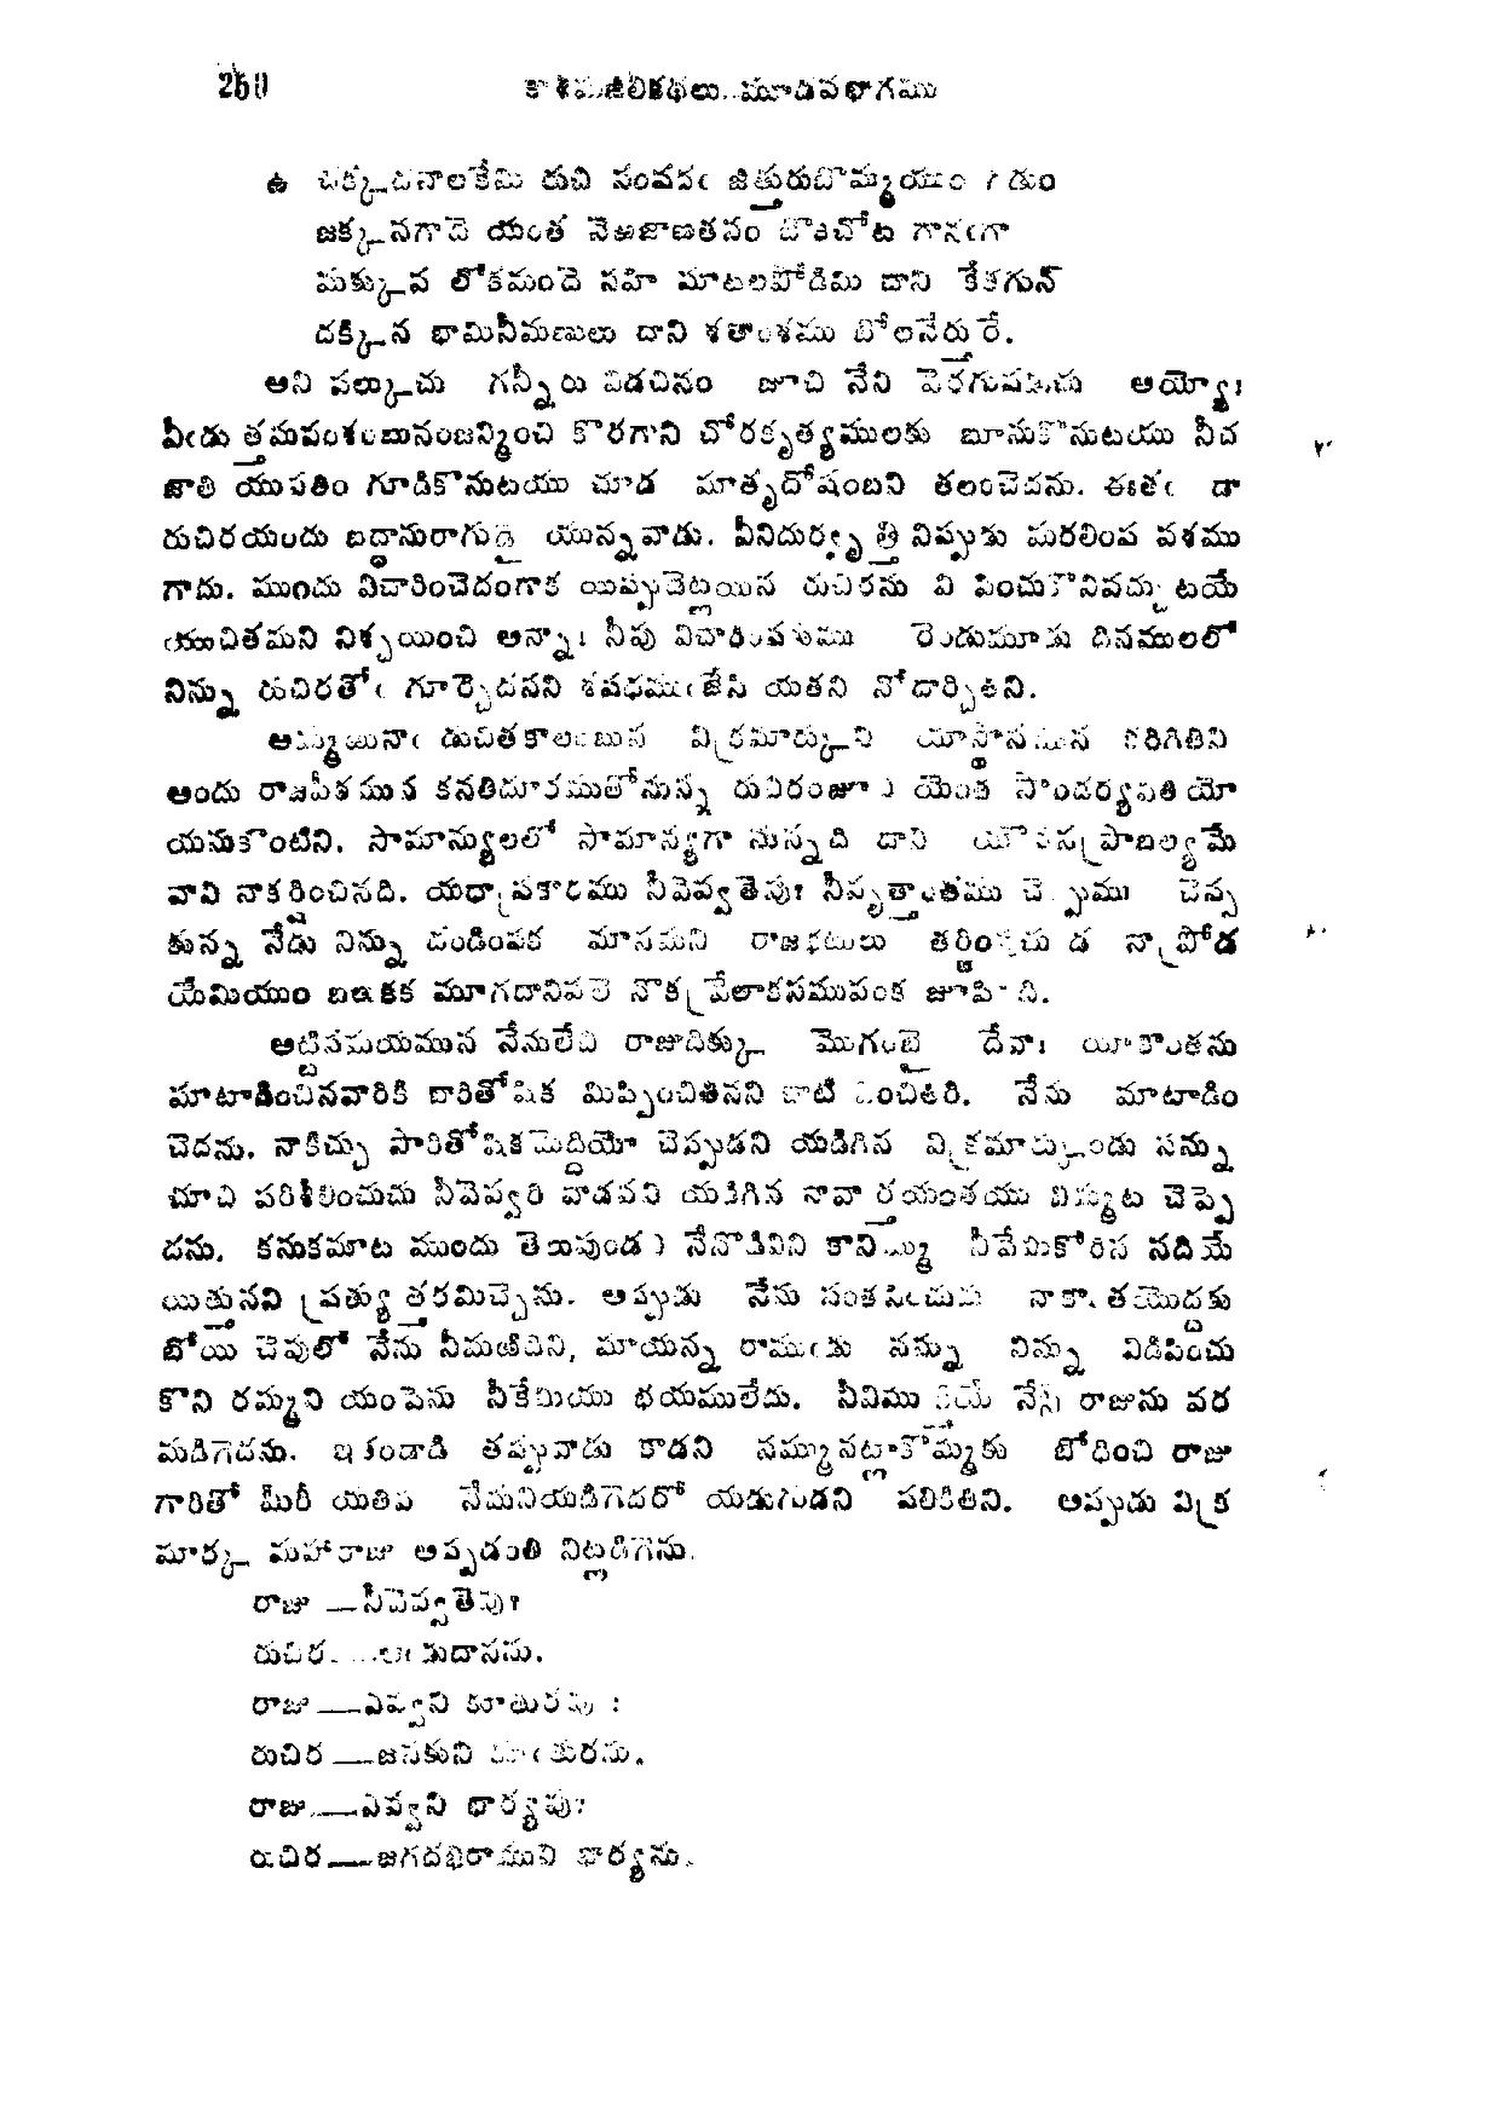ఉ. చక్కదనాలకేమి రుచి సంపదఁ జిత్తురుబొమ్మయుం గడుం
 జక్కనగాదె యంత వెఱజాణతనం బొకచోట గానఁగా
 మక్కువ లోకమందె సహి మాటలపోడిమి దాని కేతగున్
 దక్కిన భామినీమణులు దాని శతాంశము బోలనేర్తురే.
అని పల్కుచు గన్నీరు విడచినం జూచి నేని వెరగుపడుచు అయ్యో! వీఁడుత్తమవంశంబునంజన్మించి కొరగాని చోరకృత్యములకు బూనుకొనుటయు నీచజాతి యువతిం గూడికొనుటయు చూడ మాతృదోషంబని తలంచెదను. ఈతఁ డా రుచిరయందు బద్ధానురాగుడై యున్నవాడు. వీనిదుర్వృత్తి నిప్పుడు మరలింప వశము గాదు. ముందు విచారించెదంగాక యిప్పుడెట్లయిన రుచిరను విడిపించుకొనివచ్చుటయే యుచితమని నిశ్చయించి అన్నా! నీవు విచారింపకుము రెండుమూడు దినములలో నిన్ను రుచిరతోఁ గూర్చెదనని శపథముఁజేసి యతని నోదార్చితిని.

అమ్మఱునాఁ డుచితకాలంబున విక్రమార్కుని యాస్థానమున కరిగితిని అందు రాజపీఠమున కనతిదూరములోనున్న రుచిరంజూచి యెంత సౌందర్యవతియో యనుకొంటిని. సామాన్యులలో సామాన్యగా నున్నది. దాని యౌవనప్రాబల్యమే వాని నాకర్షించినది. యథాప్రకారము నీవెవ్వతెవు? నీవృత్తాంతము చెప్పుము చెప్పకున్న నిన్ను దండింపక మానమని రాజభటులు తర్ఖింపుచుండ నాప్రోడ యేమియుం బలుకక మూగదానివలె నొక వ్రేలాకసమువంక జూపినది.

అట్టిసమయమున నేనులేచి రాజుదిక్కు మొగంబై దేవా! యీకాంతను మాటాడించినవారికి బారితోషిక మిప్పించితునని చాటి పించితిరి. నేను మాటాడించెదను. నాకిచ్చు పారితోషికమెద్దియా చెప్పుడని యడిగిన విక్రమార్కుడు నన్ను చూచి పరిశీలించుచు నీవెవ్వరి వాడవని యడిగిన నావార్తయంతయు బిమ్మట చెప్పెదను. కనుకమాట ముందు తెలుపుండని నేనొడివిని కానిమ్ము నీవేమికోరిన నదియే
యిత్తునని ప్రత్యుత్తరమిచ్చెను. అప్పుడు నేను సంతసించుచు నాకాంతయొద్దకు బోయి చెవులో నేను నీమఱిదిని. మాయన్న రాముఁడు నన్ను నిన్ను విడిపించుకొని రమ్మని యంపెను నీకేమియు భయములేదు. నీవిముక్తియే నేను రాజును వర మడిగెదను. ఇతండాడి తప్పువాడు కాడని నమ్మునట్లాకొమ్మకు బోధించి రాజు గారితో మీరీ యతివ నేమనియడిగెదరో యడుగుడని పలికితిని. అప్పుడు విక్రమార్క మహారాజు అప్పడంతి నిట్లడిగెను.

రాజు -- నీవెవ్వతెవు?

రుచిర - ఆఁడుదానను.

రాజు - ఎవ్వని కూతురవు ?

రుచిర - జనకుని కూఁతురను.

రాజు - ఎవ్వని భార్యవు ?

రుచిర -- జగదభిరాముని భార్యను.